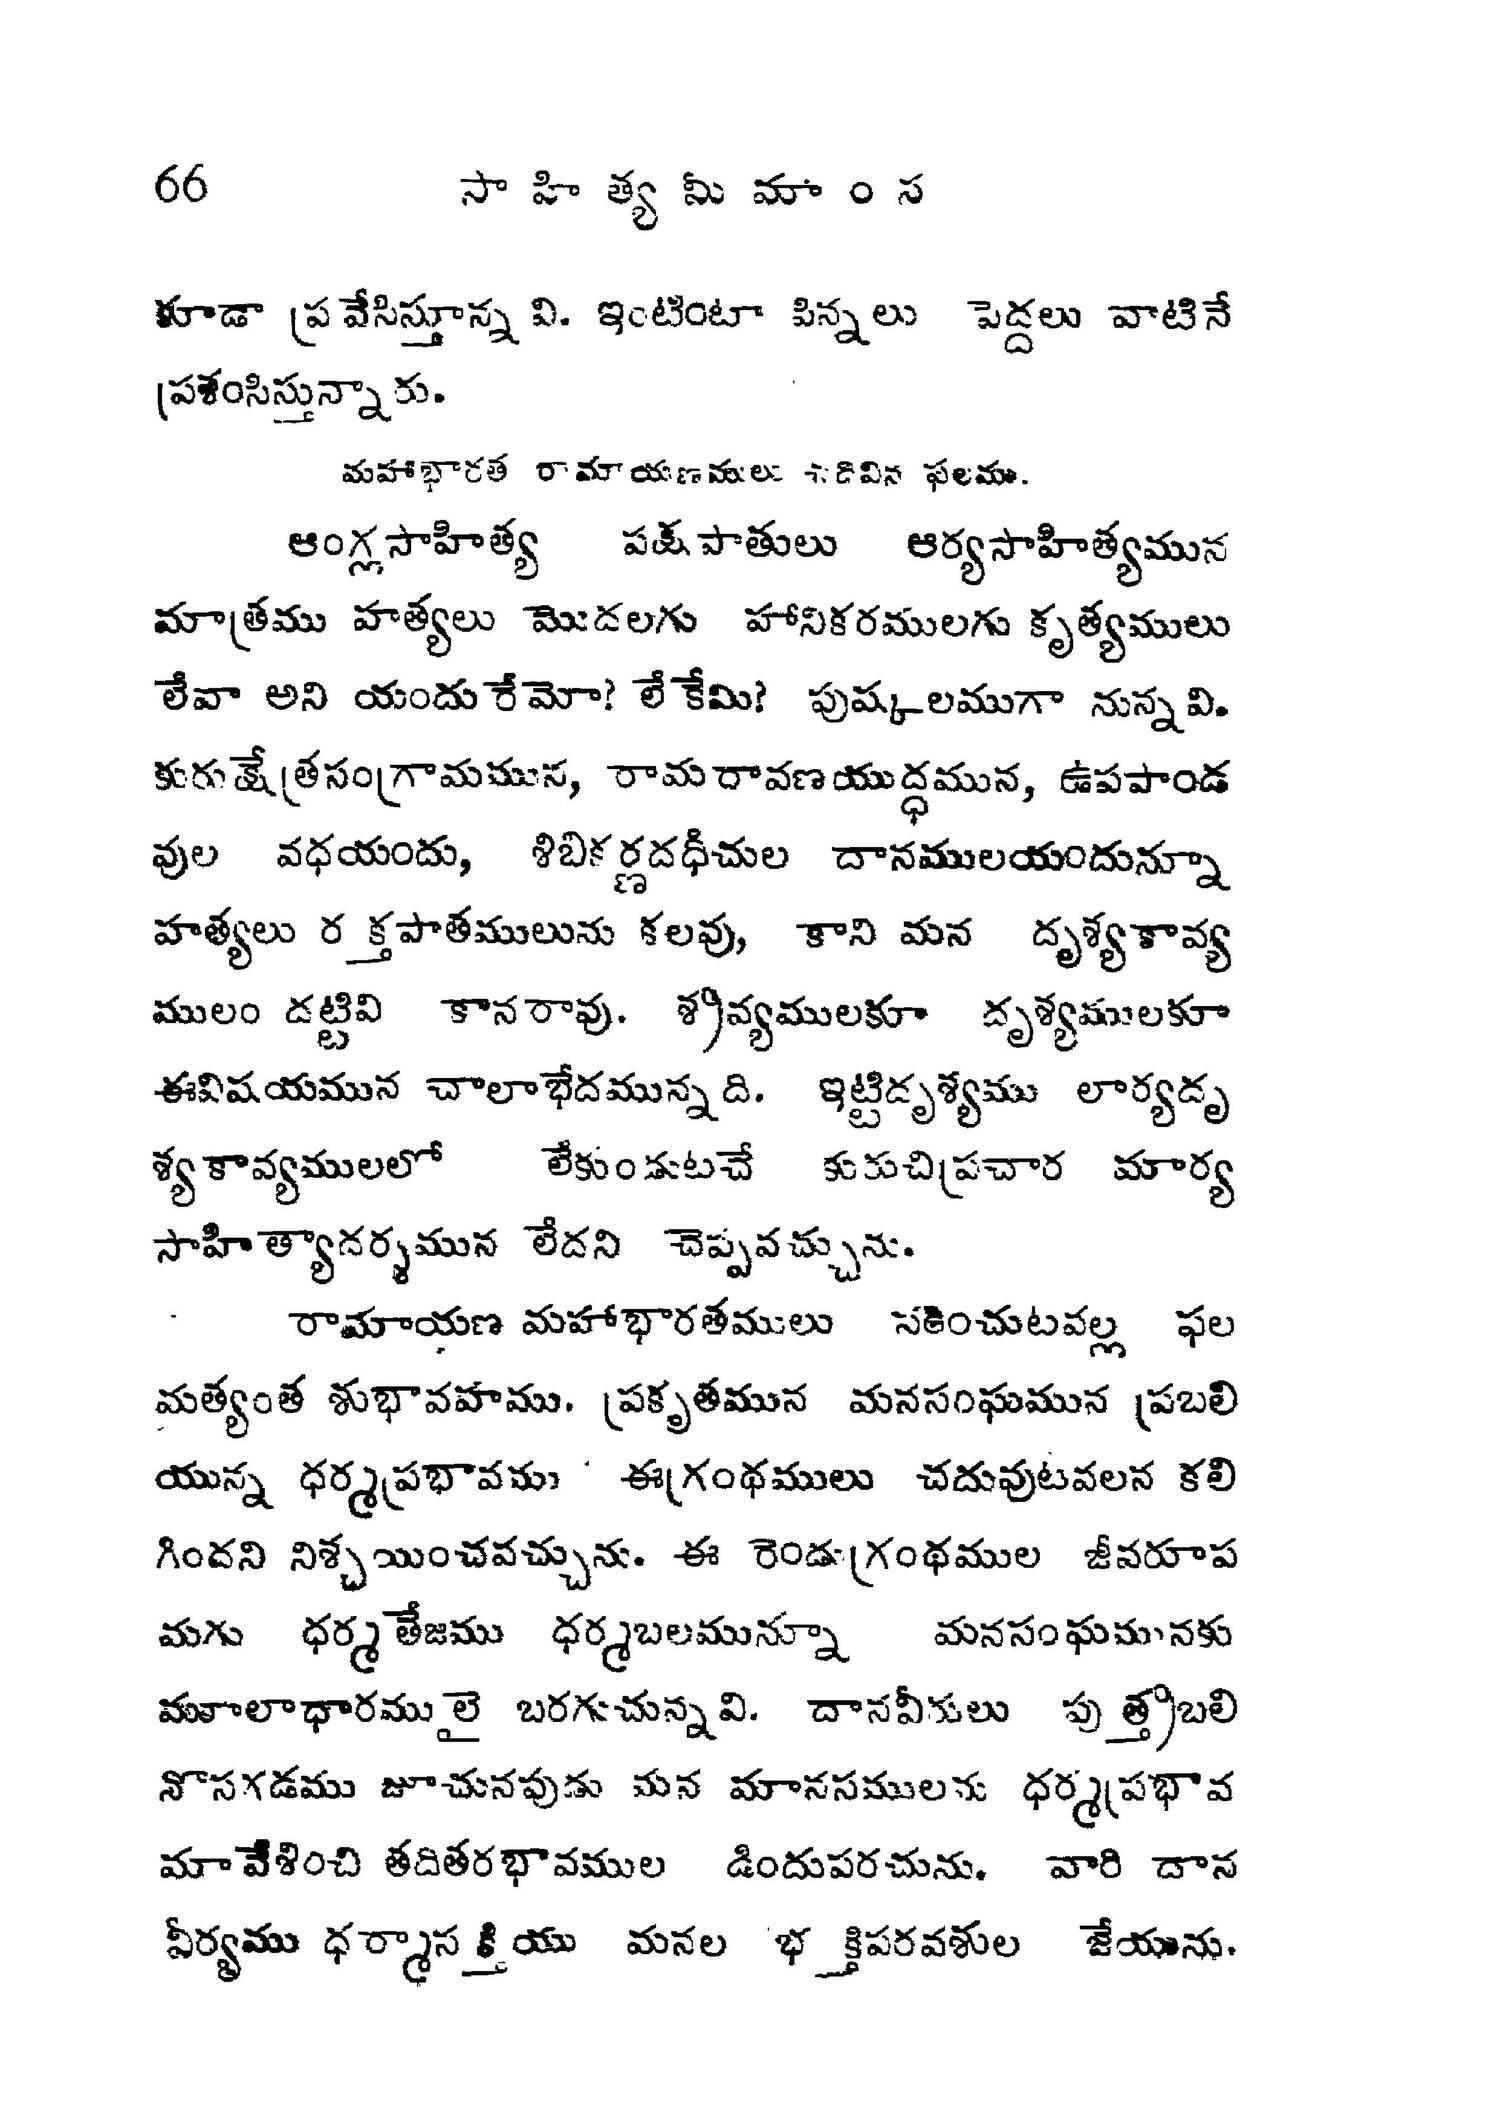కూడా ప్రవేసిస్తూన్నవి. ఇంటింటా పిన్నలు పెద్దలు వాటినే ప్రశంసిస్తున్నారు.

ఆంగ్లసాహిత్య పక్షపాతులు ఆర్యసాహిత్యమున మాత్రము హత్యలు మొదలగు హానికరములగు కృత్యములు లేవా అని యందురేమో? లేకేమి? పుష్కలముగా నున్నవి. కురుక్షేత్రసంగ్రామమున, రామరావణయుద్ధమున, ఉపపాండవుల వధయందు, శిబికర్ణదధీచుల దానములయందున్నూ హత్యలు తక్తపాతములును కలవు, కాని మన దృశ్యకావ్యములం దట్టివి కానరావు. శ్రవ్యములకూ దృశ్యములకూ ఈవిషయమున చాలాభేదమున్నది. ఇట్టిదృశ్యము లార్యదృశ్య కావ్యములలో లేకుండుటచే కురుచిప్రచార మార్య సాహిత్యదర్శమున లేదని చెప్పవచ్చును.

రామాయణ మహాభారతములు పఠించుటవల్ల ఫల మత్యంత శుభావహము. ప్రకృతమున మనసంఘమున ప్రబలియున్న ధర్మప్రభావము ఈగ్రంథములు చదువుటవలన కలిగిందని నిశ్చయించవచ్చును. ఈ రెండుగ్రంథముల జీవరూప మగు ధర్మతేజము ధర్మబలమున్నూ మనసంఘమునకు మూలాధారములై బరగుచున్నవి. దానవీరులు పుత్త్రబలి నొసగడము జూచునపుడు మన మానసములను ధర్మప్రభావ మావేశించి తదితరభావముల డిందుపరచును. వారి దాన వీర్యము ధర్మాసక్తియు మనల భక్తిపరవశుల జేయును.